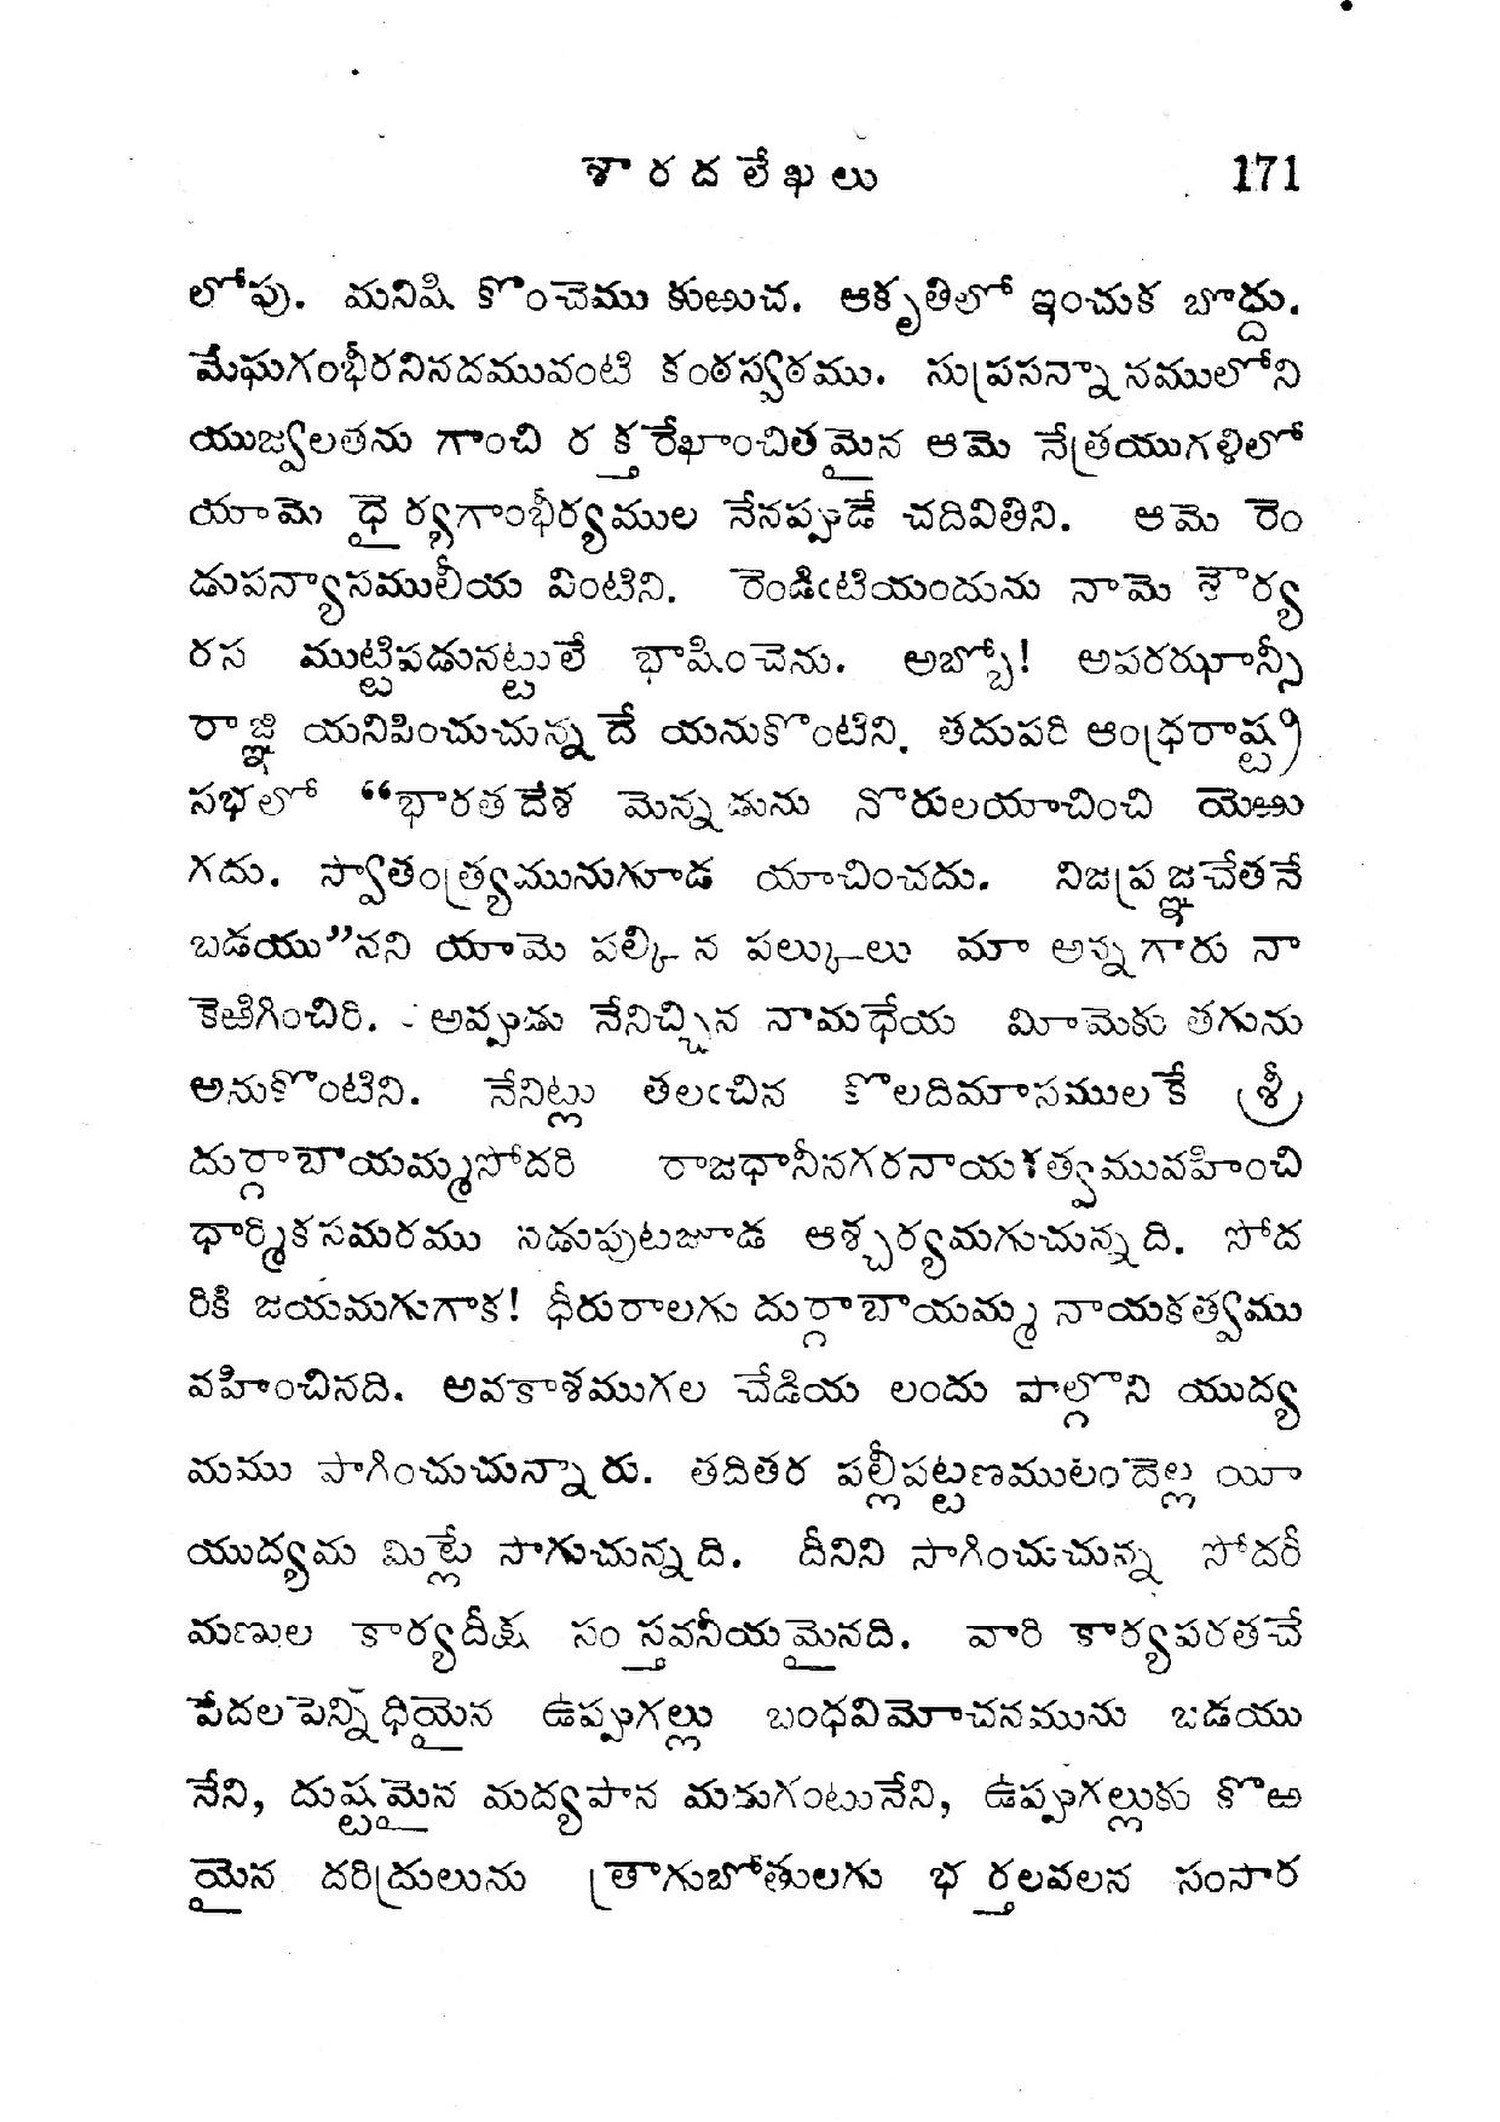లోపు. మనిషి కొంచెము కుఱుచ. ఆకృతిలో ఇంచుక బొద్దు. మేఘగంభీరనినదమువంటి కంఠస్వరము. సుప్రసన్నానములోని యుజ్వలతను గాంచి రక్తరేఖాంచితమైన ఆమె నేత్రయుగళిలో యామె ధైర్యగాంభీర్యముల నేనప్పుడే చదివితిని. ఆమె రెండుపన్యాసములీయ వింటిని. రెండిఁటియందును నామె శౌర్యరస ముట్టిపడునట్టులే భాషించెను. అబ్బో! అపరఝాన్సీ రాజ్ఞి యనిపించుచున్నదే యనుకొంటిని. తదుపరి ఆంధ్రరాష్ట్రసభలో "భారతదేశ మెన్నడును నొరులయాచించి యెఱుగదు. స్వాతంత్ర్యమునుగూడ యాచించదు. నిజప్రజ్ఞచేతనే బడయు”నని యామె పల్కిన పల్కులు మా అన్నగారు నా కెఱిగించిరి. అప్పుడు నేనిచ్చిన నామధేయ మీమెకు తగును అనుకొంటిని. నేనిట్లు తలఁచిన కొలదిమాసములకే శ్రీ
దుర్గాబాయమ్మసోదరి రాజధానీనగరనాయకత్వమువహించి ధార్మికసమరము నడుపుటజూడ ఆశ్చర్యమగుచున్నది. సోదరికి జయమగుగాక! ధీరురాలగు దుర్గాబాయమ్మ నాయకత్వము వహించినది. అవకాశముగల చేడియ లందు పాల్గొని యుద్యమము సాగించుచున్నారు. తదితర పల్లీపట్టణములందెల్ల యీ యుద్యమ మిట్లే సాగుచున్నది. దీనిని సాగించుచున్న సోదరీమణుల కార్యదీక్ష సంస్తవనీయమైనది. వారి కార్యపరతచే పేదలపెన్నిధియైన ఉప్పుగల్లు బంధవిమోచనమును బడయునేని, దుష్టమైన మద్యపాన మడుగంటునేని, ఉప్పుగల్లుకు కొఱయైన దరిద్రులును త్రాగుబోతులగు భర్తలవలన సంసార